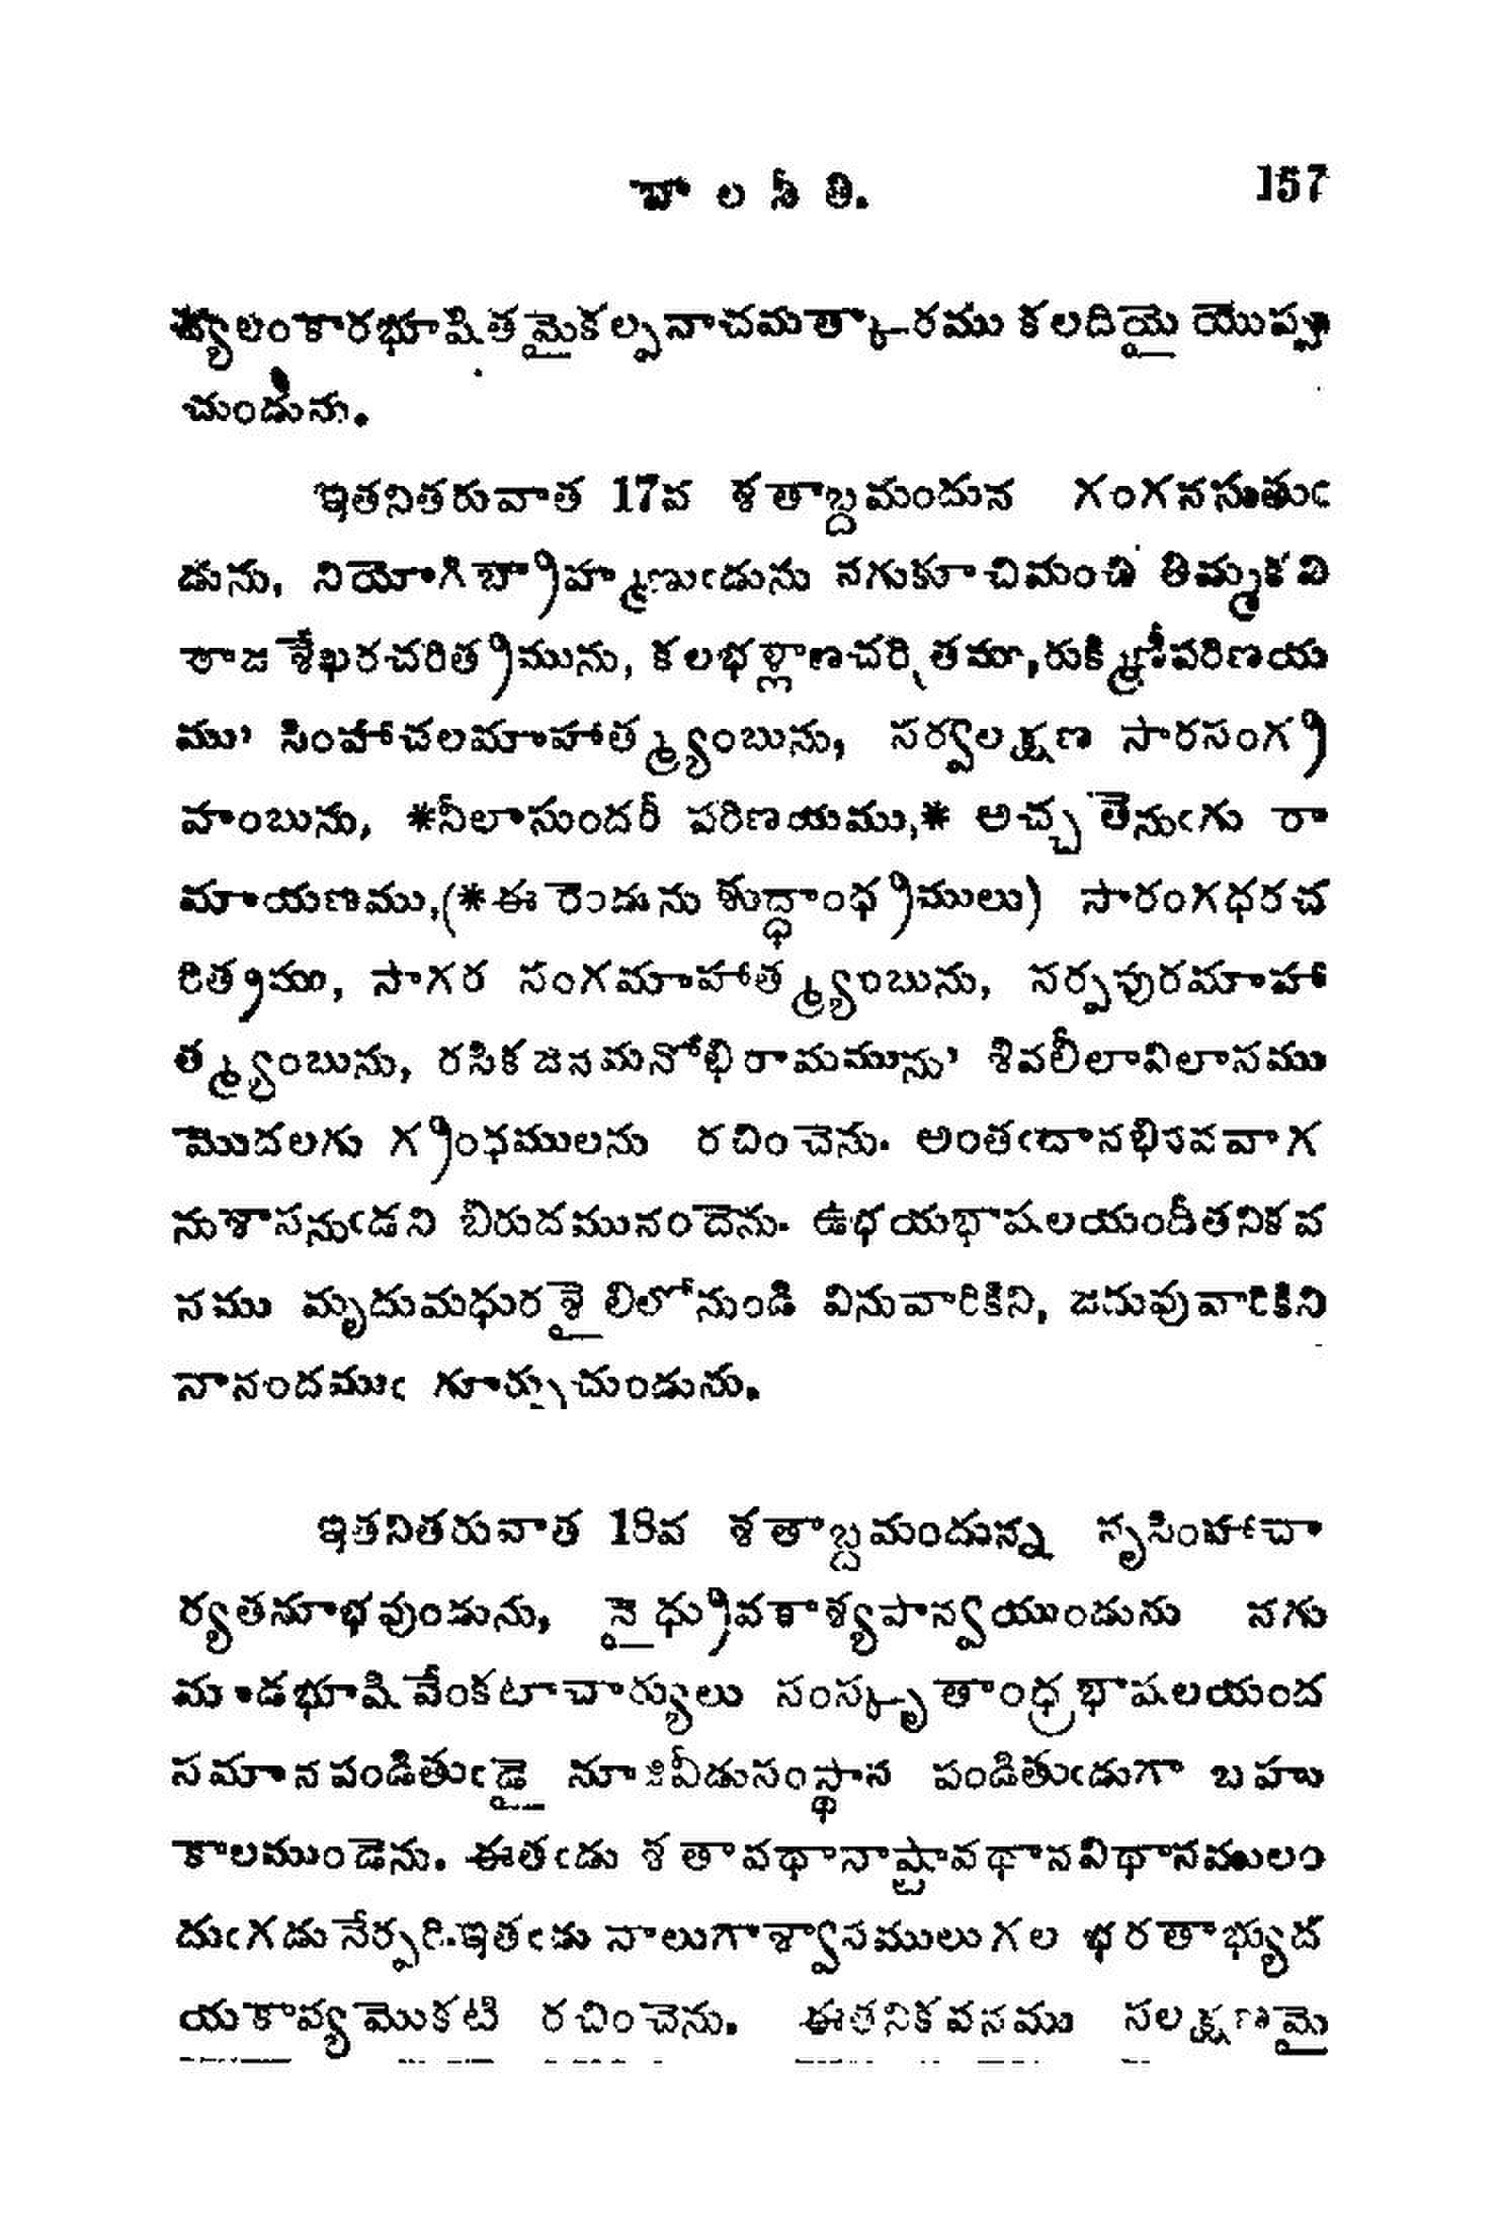ష్యలంకారభూషితమైకల్పనాచమత్కారము కలదియై యొప్పు
చుండును.

ఇతనితరువాత 17వ శతాబ్దమందున గంగనసుతుఁ
డును, నియోగిబ్రాహ్మణుఁడును నగుకూచిమంచి తిమ్మకవి 
రాజశేఖరచరిత్రమును, కలభళ్లాణచరిత్రము, రుక్మిణీపరిణయ
ము, సింహాచలమాహాత్మ్యంబును, సర్వలక్షణ సారసంగ్ర
హంబును, *నీలాసుందరీ పరిణయము,* అచ్చ తెనుఁగు రా
మాయణము, (*ఈరెండును శుద్ధాంధ్రములు) సారంగధరచ
రిత్రము, సాగర సంగమాహాత్మ్యంబును, సర్పపురమాహా
త్మ్యంబును, రసికజనమనోభిరామమును, శివలీలావిలాసము 
మొదలగు గ్రంధములను రచించెను. అంతఁదానభినవవాగ
నుశాసనుఁడని బిరుదమునందెను. ఉభయభాషలయందీతనికవ
నము మృదుమధురశైలిలోనుండి వినువారికిని, జదువువారికిని 
నానందముఁ గూర్చుచుండును.

ఇతనితరువాత 18వ శతాబ్దమందున్న నృసింహాచా
ర్యతనూభవుండును, నైధ్రువకాశ్యపాన్వయుండును నగు 
మాడభూషి వేంకటాచార్యులు సంస్కృతాంధ్రభాషలయందు 
సమానపండితుఁడై నూజివీడుసంస్థాన పండితుఁడుగా బహు
కాలముండెను. ఈతఁడు శతావధానాష్టావధానవిధానములం
దుఁగడునేర్పరి. ఇతఁడు నాలుగాశ్వాసములుగల భరతాభ్యుద
యకావ్యమొకటి రచించెను. ఈతనికవనము సలక్షణమై